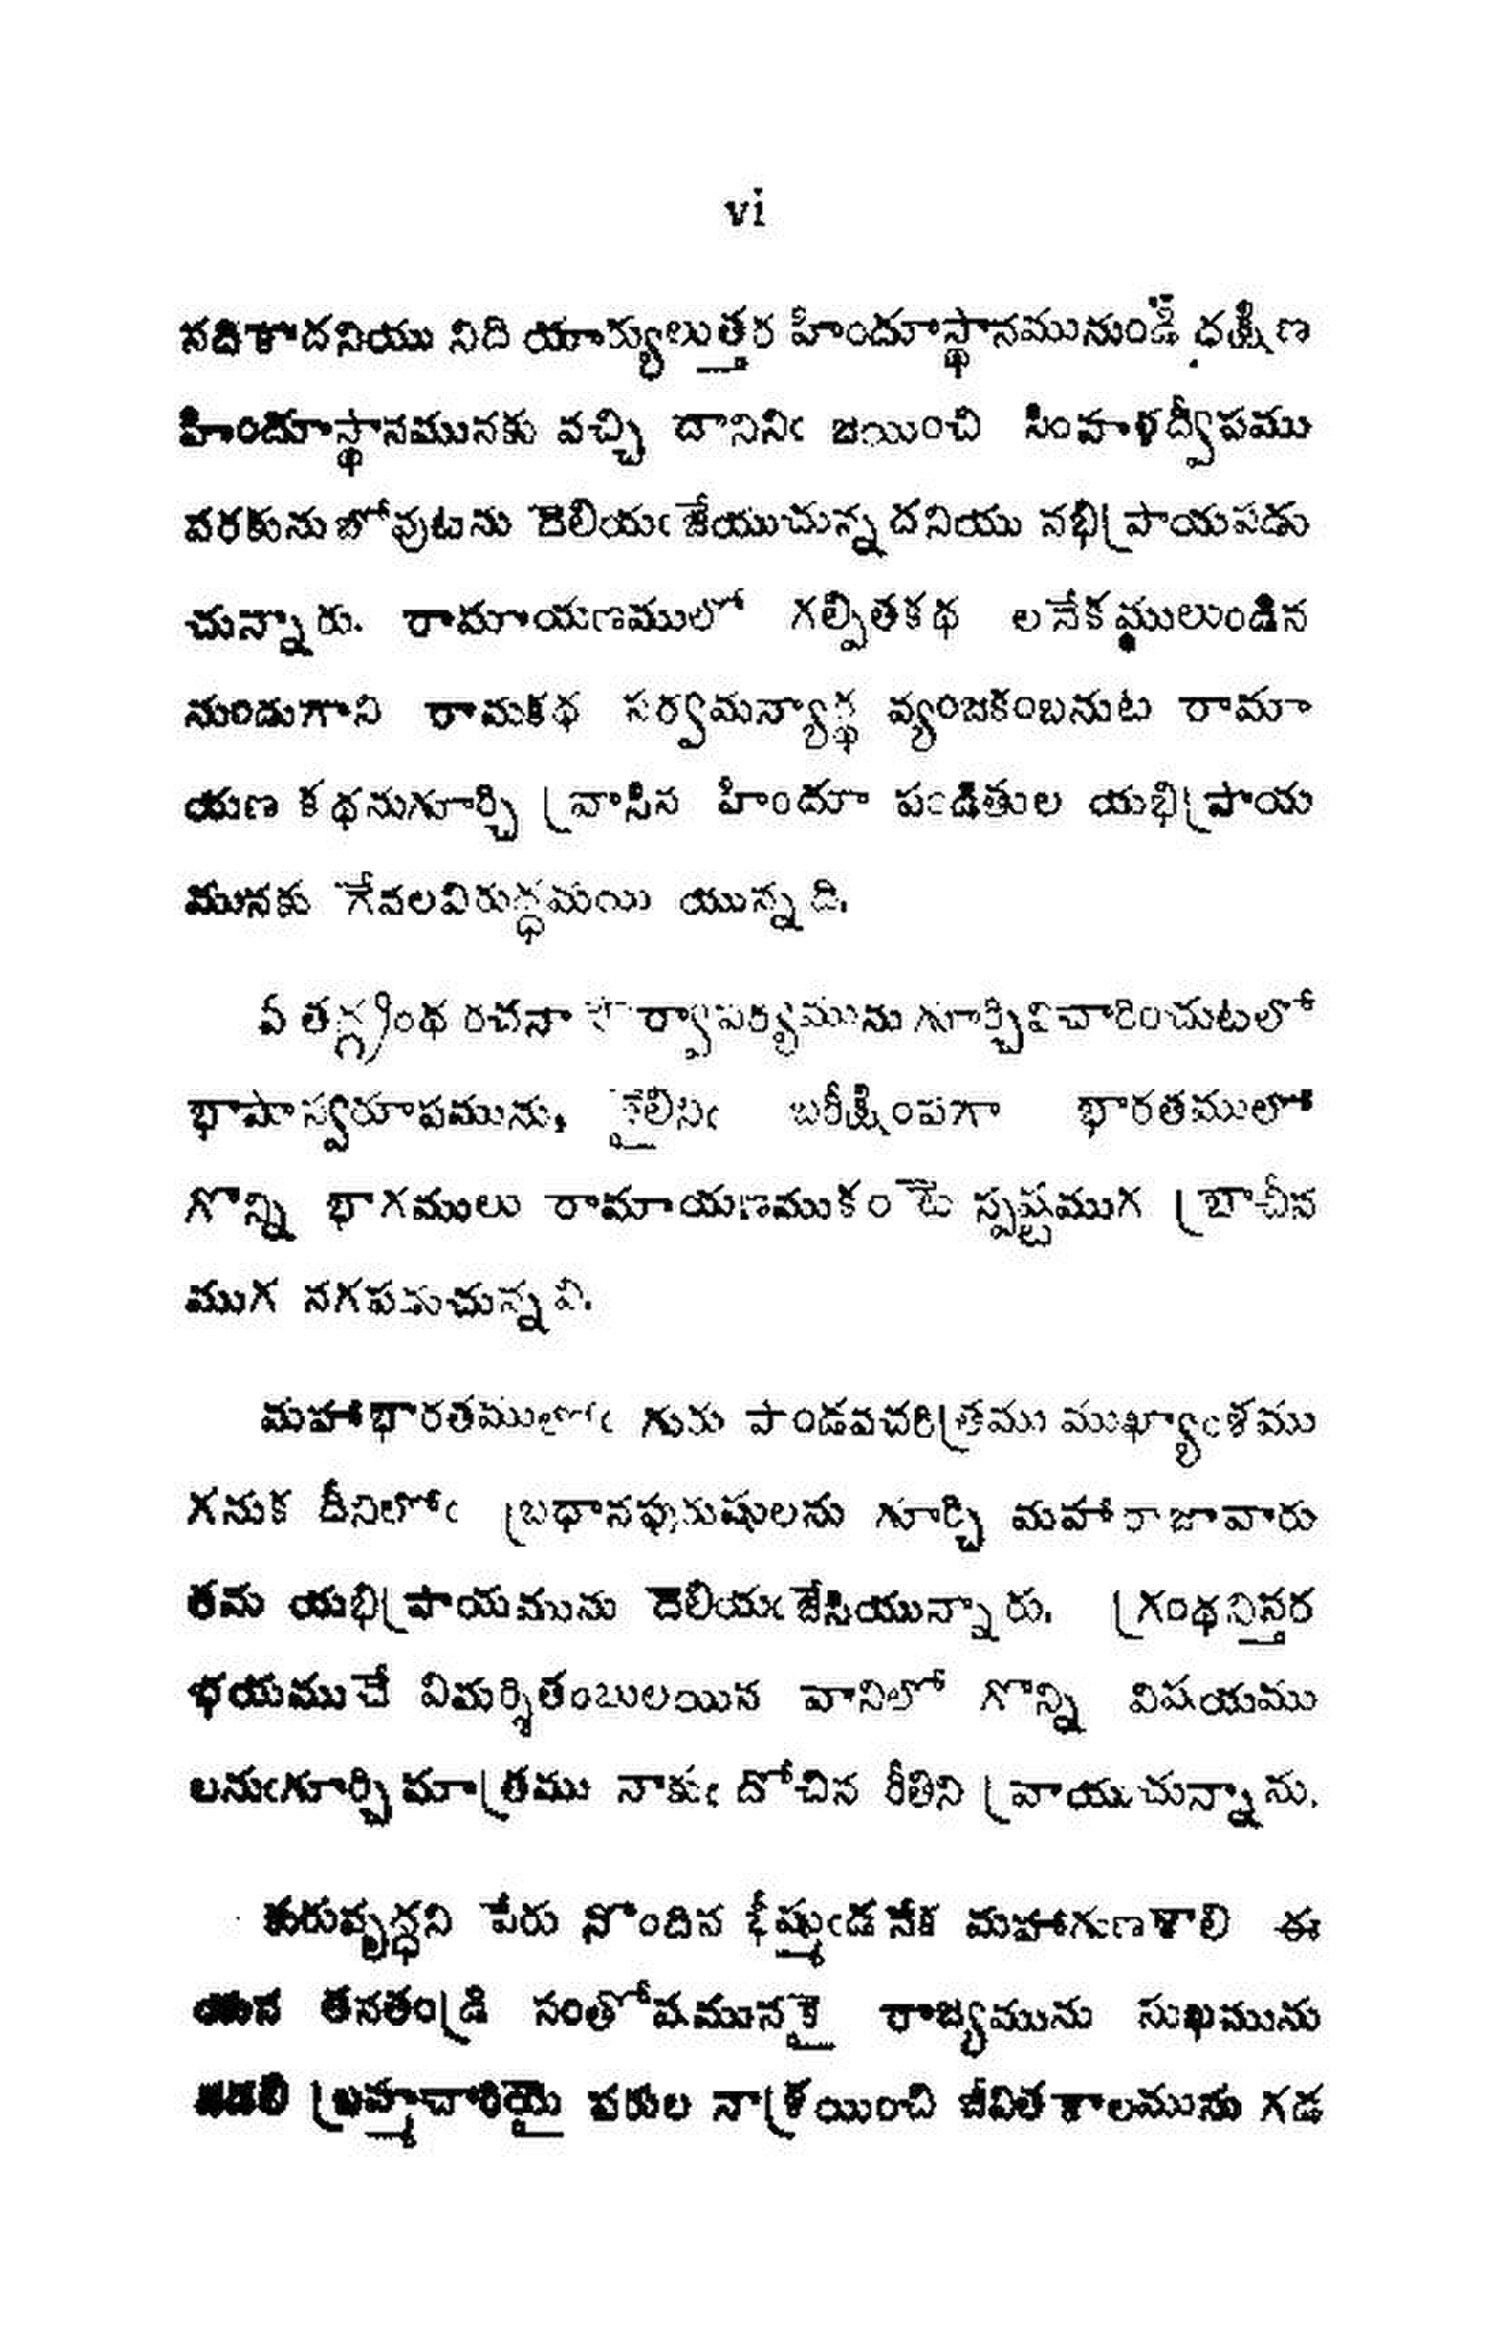నదికాదనియు నిది యార్యులుత్తర హిందూస్థానమునుండి దక్షిణ హిందూస్థానమునకు వచ్చి దానినిఁ జయించి సింహళద్వీపము వరకును బోవుటను దెలియఁజేయుచున్నదనియు నభిప్రాయపడు చున్నారు. రామాయణములో గల్పితకథ లనేకములుండిన నుండుగాని రామకథ సర్వమన్యార్థ వ్యంజకంబనుట రామాయణ కథనుగూర్చి వ్రాసిన హిందూ పండితుల యభిప్రాయమునకు గేవలవిరుద్ధమయి యున్నది.

ఏ తర్గ్రంథ రచనా పౌర్వాపర్యమును గూర్చివిచారించుటలో భాషాస్వరూపమును, శైలినిఁ బరీక్షింపగా భారతములో గొన్ని భాగములు రామాయణముకంటె స్పష్టముగ బ్రాచీనముగ నగపడుచున్నవి.

మహాభారతములోఁ గురు పాండవచరిత్రము ముఖ్యాంశము గనుక దీనిలోఁ బ్రధానపురుషులను గూర్చి మహారాజావారు తమ యభిప్రాయమును దెలియఁజేసియున్నారు. గ్రంథవిస్తర భయముచే విమర్శితంబులయిన వానిలో గొన్ని విషయములనుఁగూర్చిమాత్రము నాకుఁదోచిన రీతిని వ్రాయుచున్నాను,

కురువృద్ధని పేరు నొందిన భీషుఁడనేక మహాగుణశాలి ఈయన తనతండ్రి సంతోషమునకై రాజ్యమును సుఖమును వదలి బ్రహ్మచారియై పరుల నాశ్రయించి జీవితకాలమును గడ